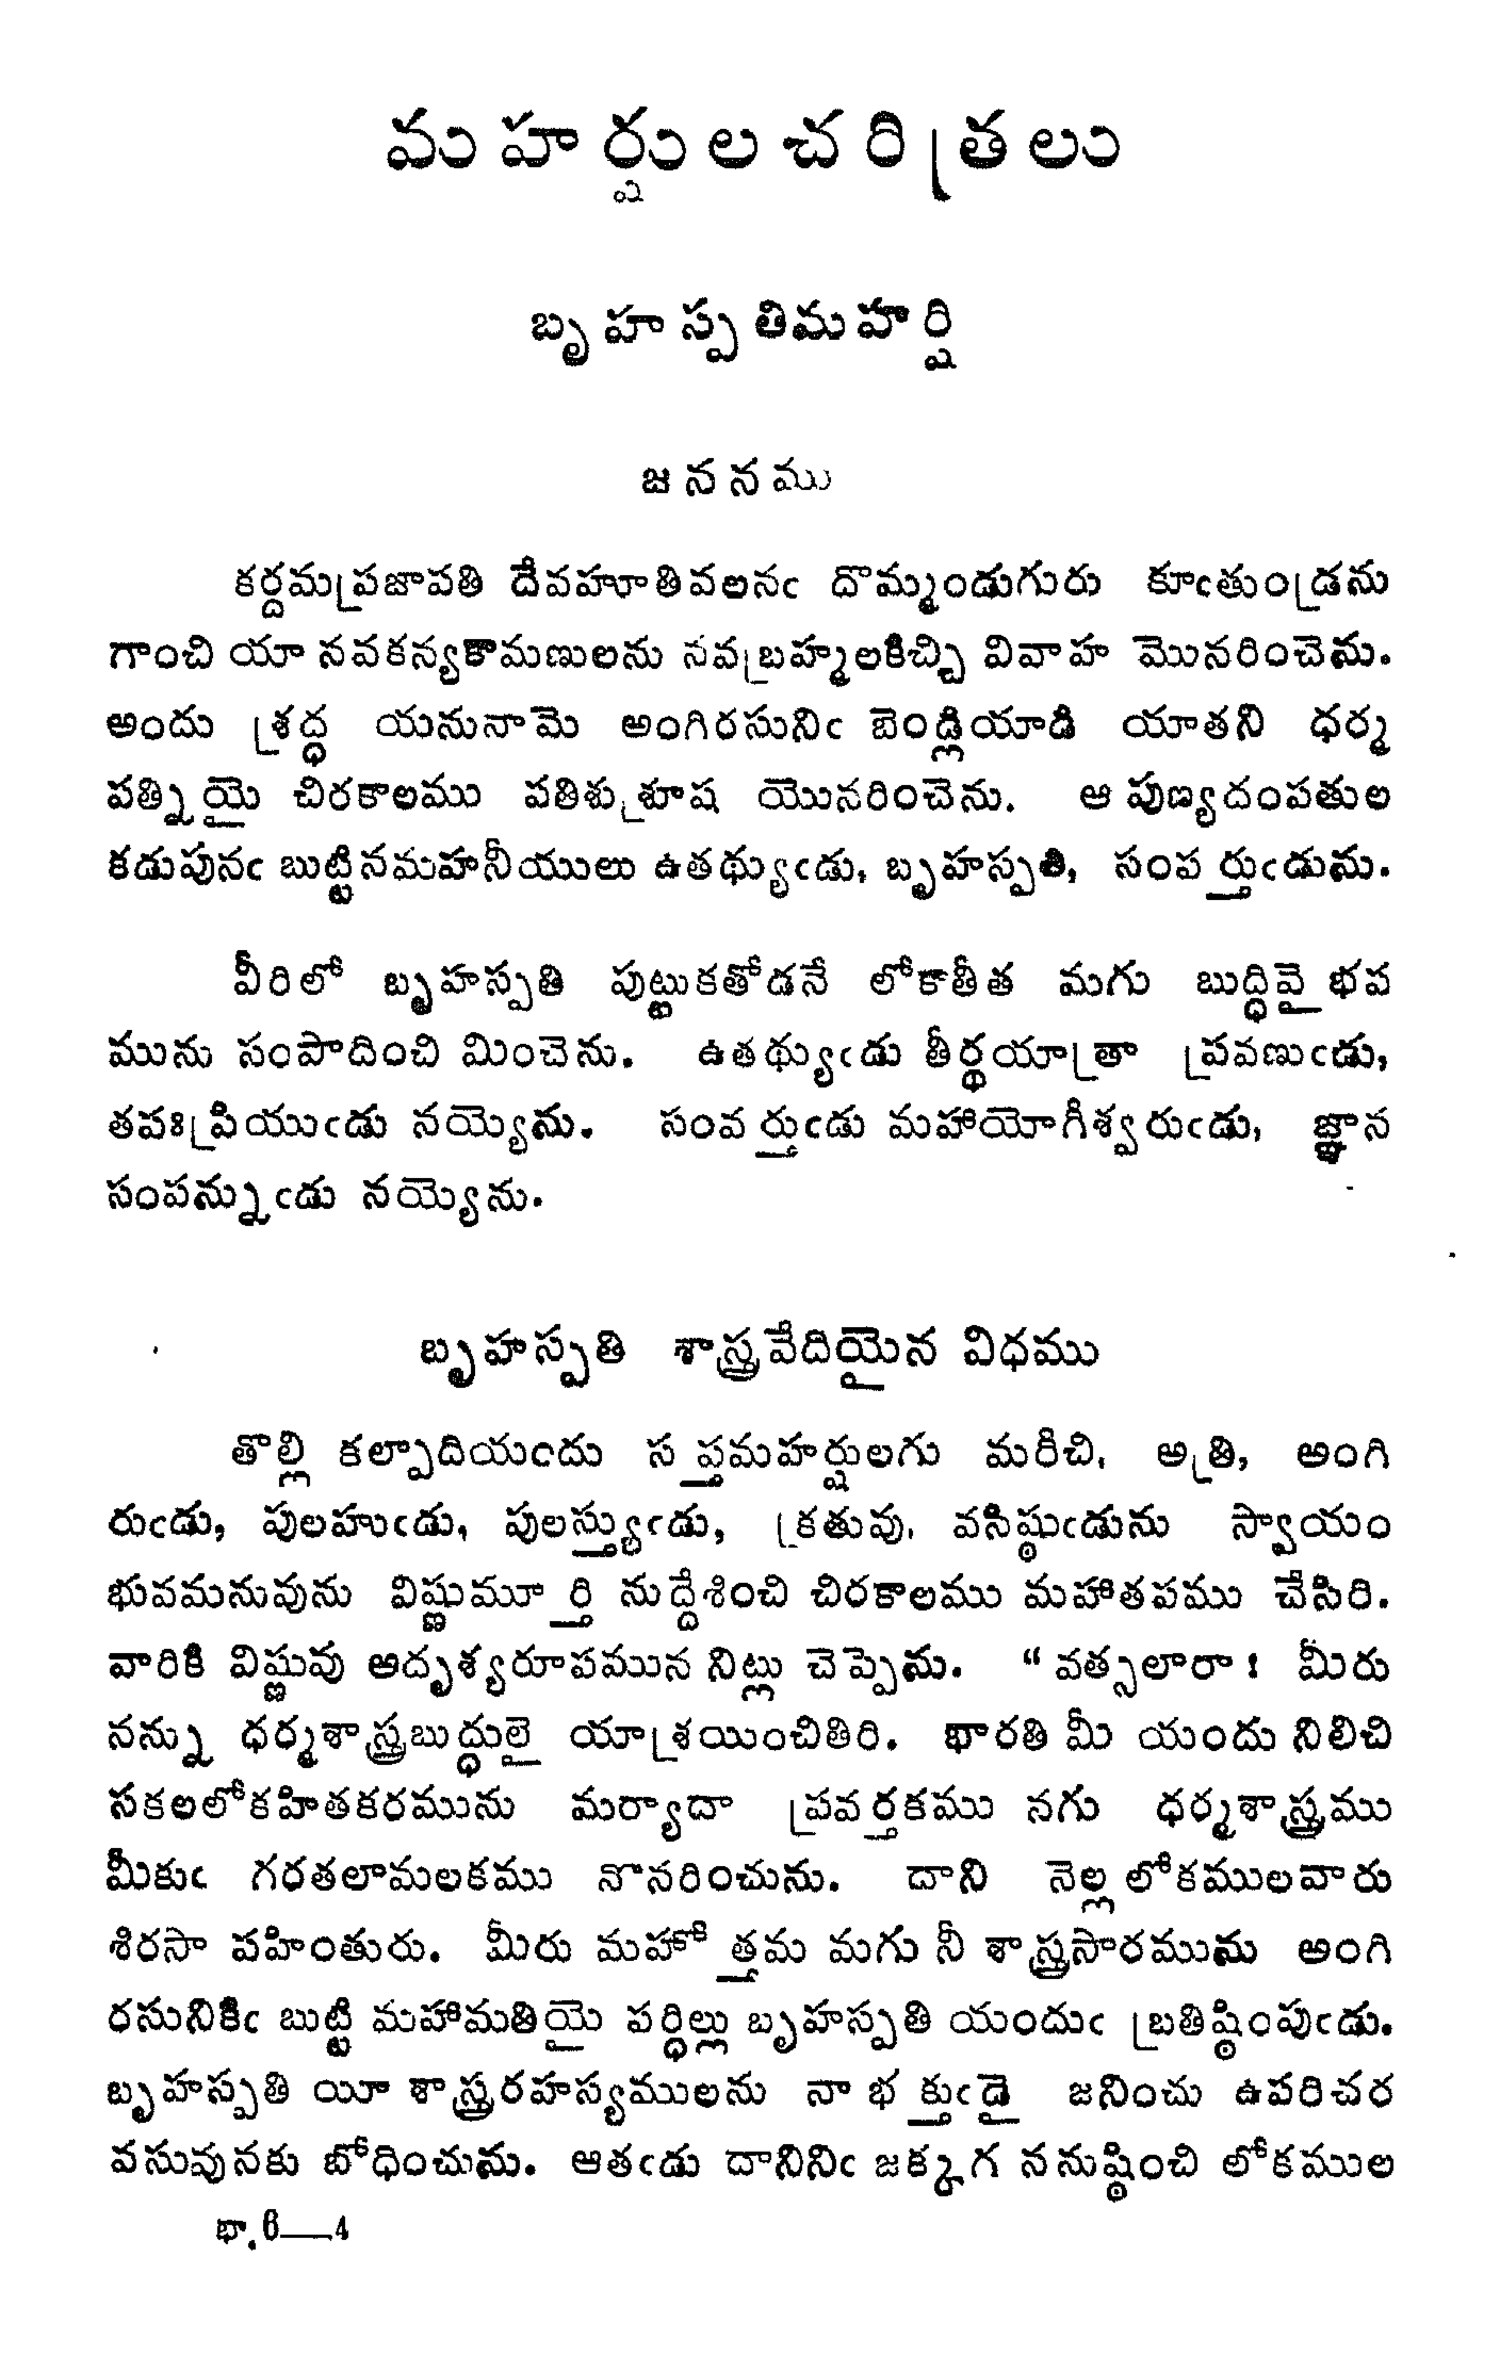మహర్షుల చరిత్రలు

బృహస్పతిమహర్షి

జననము 

కర్దమప్రజాపతి దేవహూతివలనఁ దొమ్మండుగురు కూఁతుండ్రను గాంచి యా నవకన్యకామణులను నవబ్రహ్మలకిచ్చి వివాహ మొనరించెను. అందు శ్రద్ద యనునామె అంగిరసునిఁ బెండ్లియాడి యాతని ధర్మపత్నియై చిరకాలము పతిశుశ్రూష యొనరించెను. ఆ పుణ్యదంపతుల కడుపునఁ బుట్టినమహనీయులు ఉతథ్యుఁడు, బృహస్పతి, సంవర్తుఁడును.

వీరిలో బృహస్పతి పుట్టుకతోడనే లోకాతీత మగు బుద్దివై భవమును సంపాదించి మించెను. ఉతథ్యుఁడు తీర్థయాత్రా ప్రవణుఁడు, తపఃప్రియుఁడు నయ్యెను. సంవర్తుఁడు మహాయోగీశ్వరుఁడు, జ్ఞాన సంపన్నుఁడు నయ్యెను.

బృహస్పతి శాస్త్రవేదియైన విధము 

తొల్లి కల్పాదియందు సప్తమహర్షులగు మరీచి, అత్రి, అంగిరుఁడు, పులహుఁడు, పులస్త్యుఁడు, క్రతువు, వసిష్ఠుఁడును స్వాయంభువమనువును విష్ణుమూర్తి నుద్దేశించి చిరకాలము మహాతపము చేసిరి. వారికి విష్ణువు అదృశ్యరూపమున నిట్లు చెప్పెను. "వత్సలారా! మీరు నన్ను ధర్మశాస్త్రబుద్ధులై యాశ్రయించితిరి. భారతి మీ యందు నిలిచి సకలలోకహితకరమును మర్యాదా ప్రవర్తకము నగు ధర్మశాస్త్రము మీకుఁ గరతలామలకము నొనరించును. దాని నెల్ల లోకములవారు శిరసా వహింతురు. మీరు మహోత్తమ మగు నీ శాస్త్రసారమును అంగిరసునికిఁ బుట్టి మహామతియై పర్ధిల్లు బృహస్పతి యందుఁ బ్రతిష్ఠింపుఁడు. బృహస్పతి యీ శాస్త్రరహస్యములను నా భక్తుఁడై జనించు ఉపరిచర వసువునకు బోధించును. ఆతఁడు దానినిఁ జక్కగ ననుష్ఠించి లోకముల